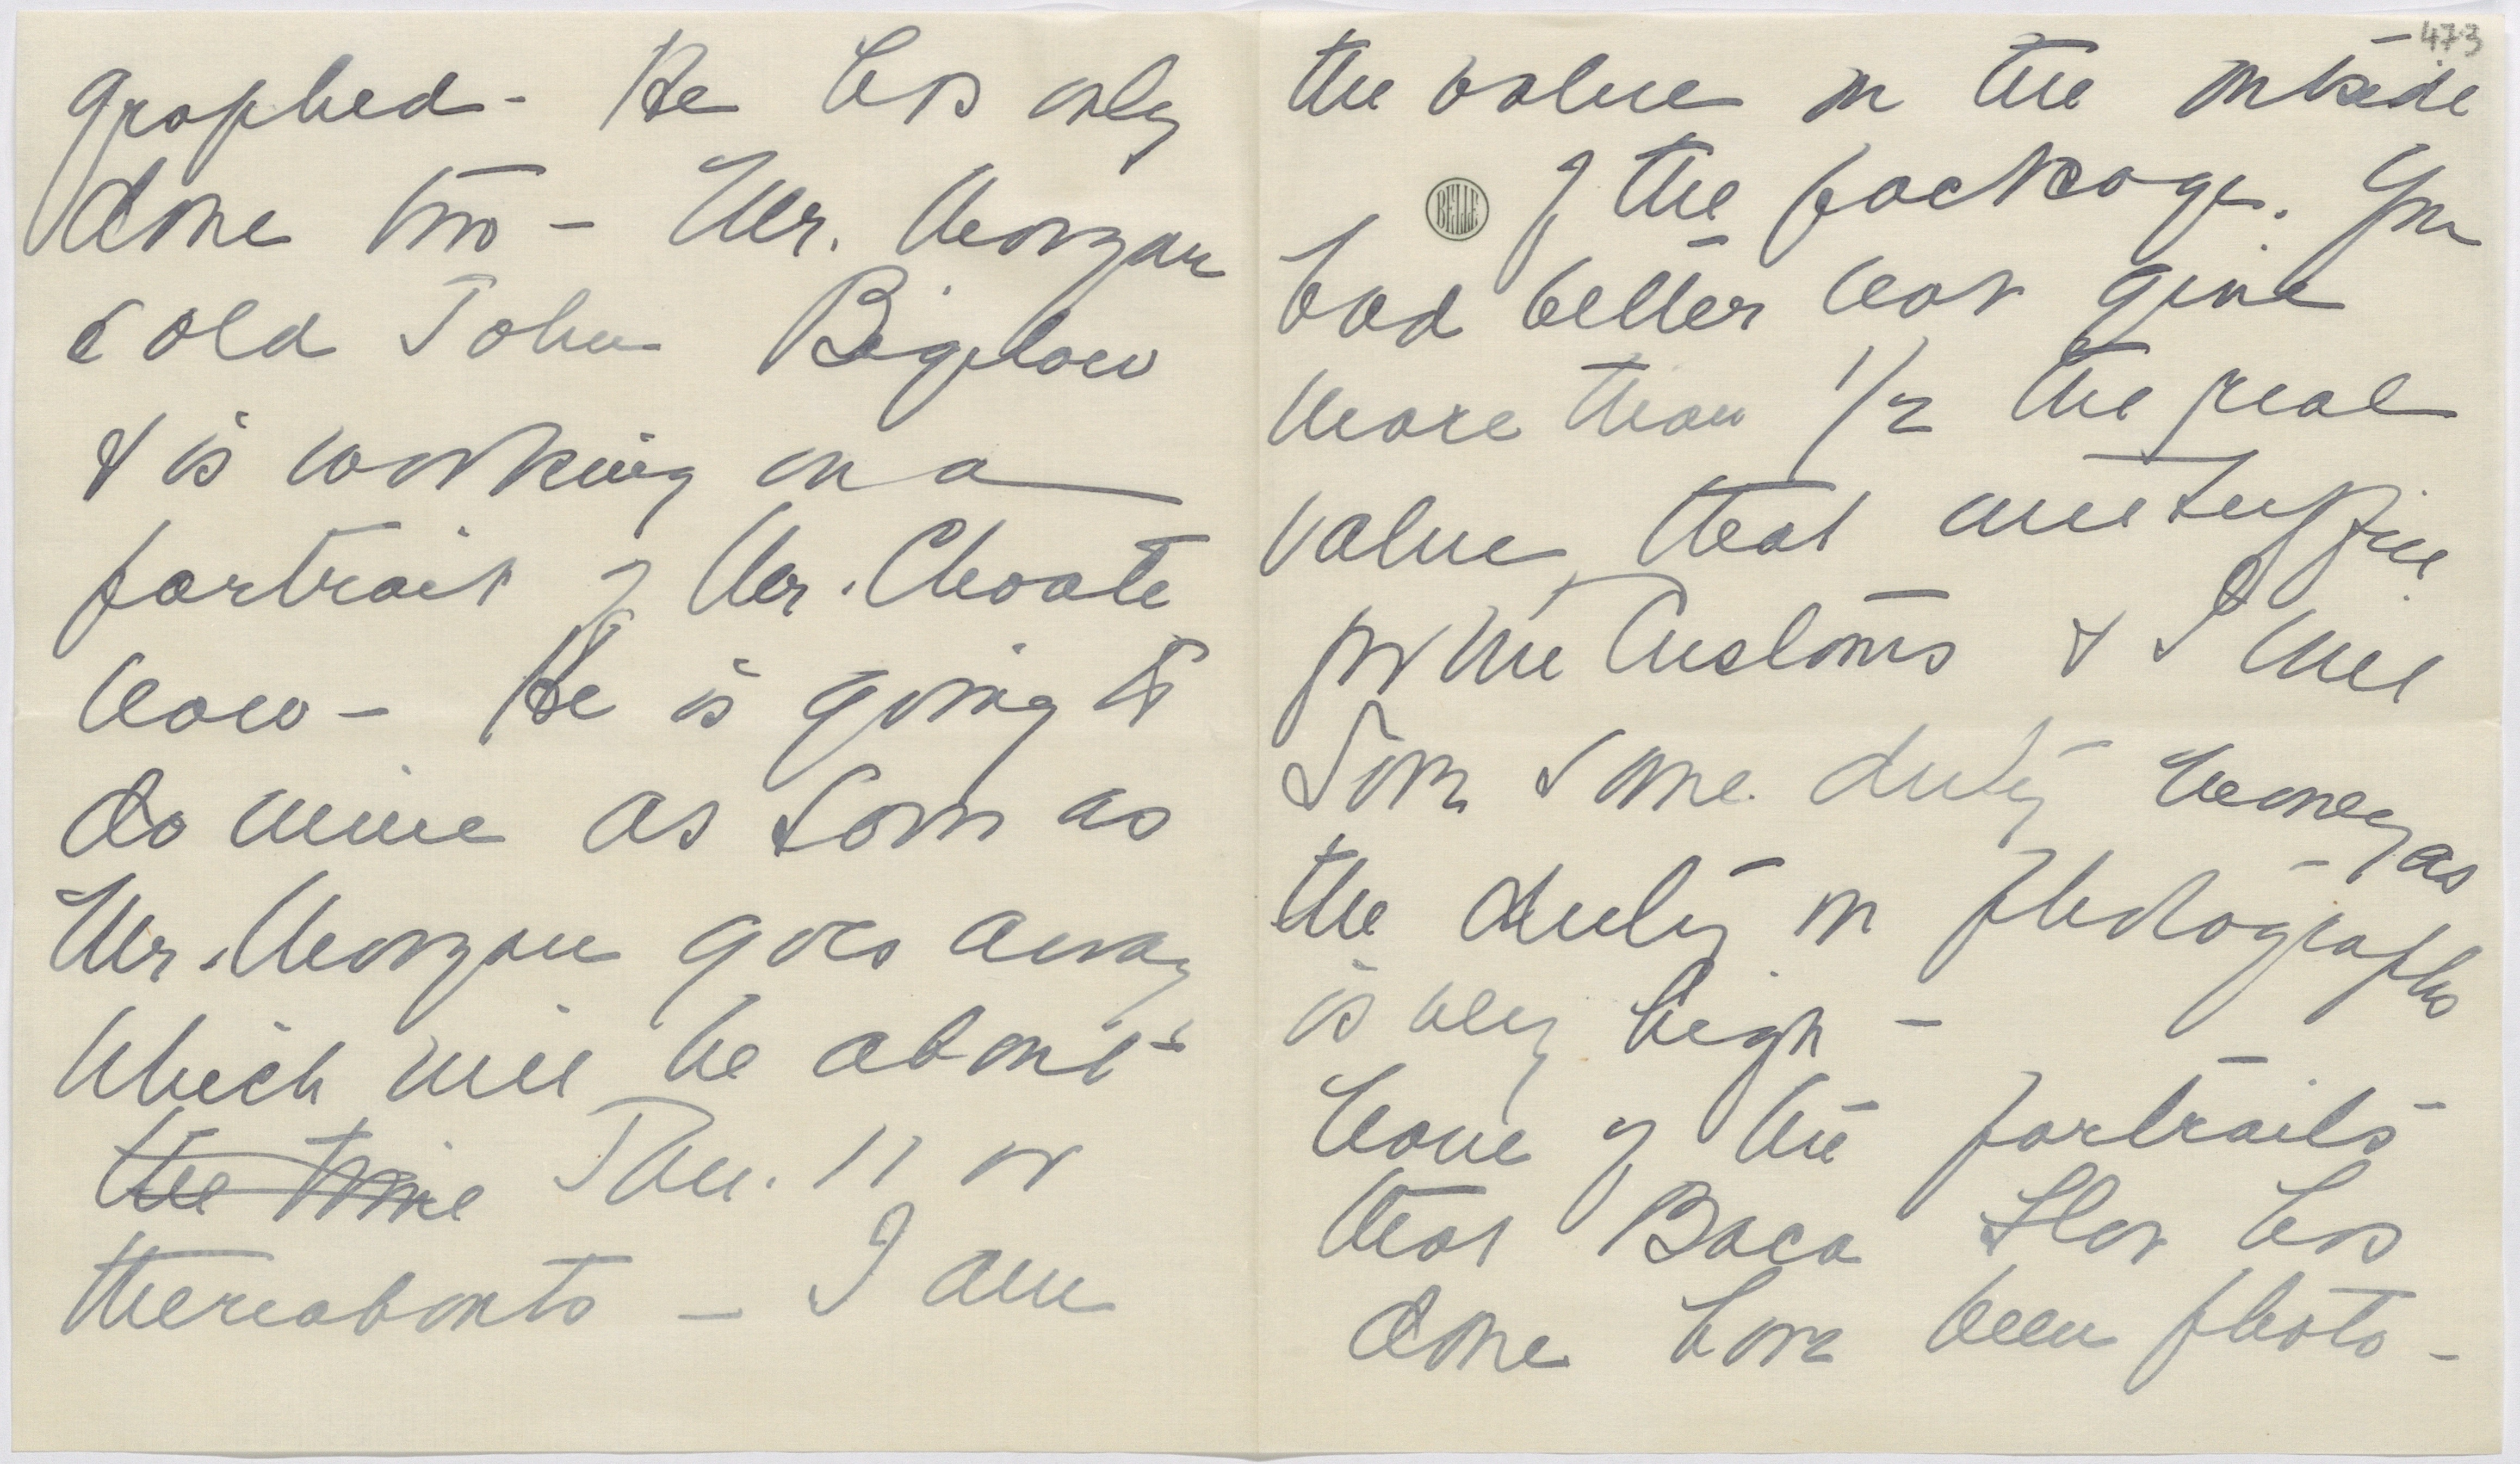the value on the outside of the package. You had better not give more than ½ the real value that will suffice for the Customs & I will save some duty money as the duty on photographs is very high –
None of the portraits that Baca Flor has done have been photographed
– He has only done two – Mr. Morgan & old John Bigelow & is working on a portrait of Mr. Choate now – He is going to do mine as soon as Mr. Morgan goes away which will be about the time Jan. 11 or thereabouts – I am